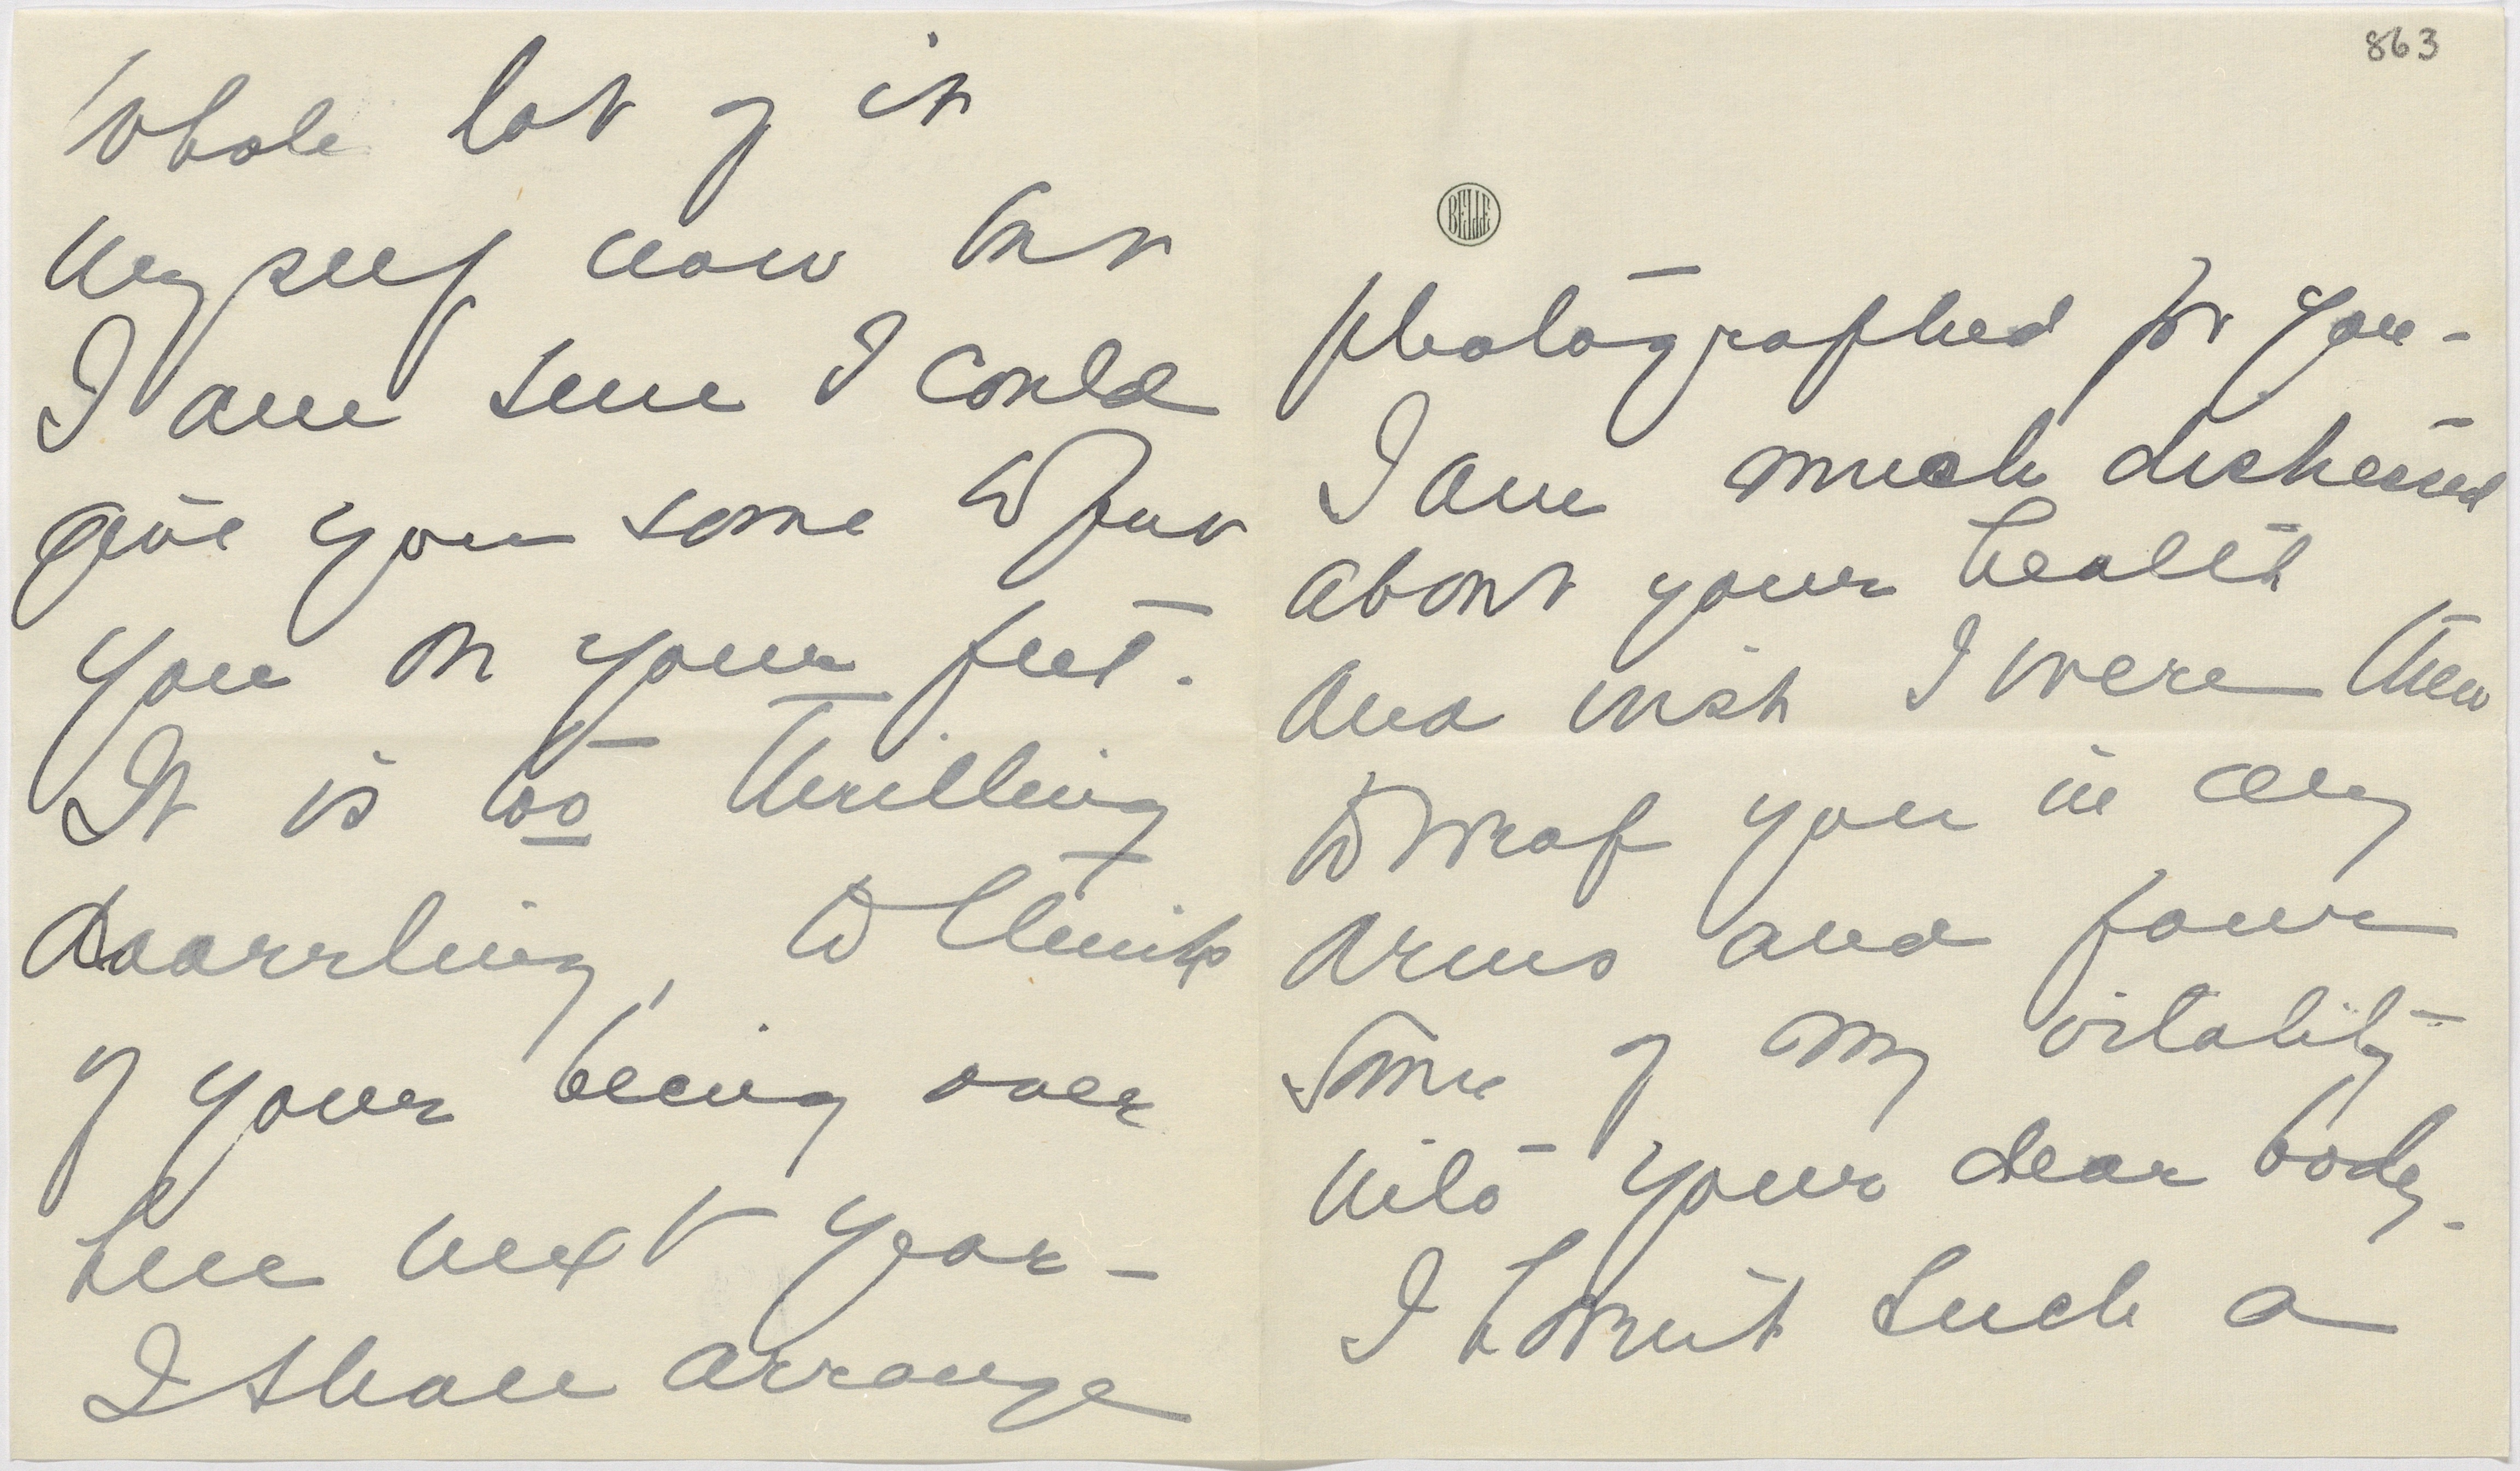photographed for you –
I am much distressed about your health and wish I were there to wrap you in my arms and pour some of my vitality into your dear body –
I haven’t such a
whole lot of it myself now but I am sure I could give you some to put you on your feet.
It is too thrilling daarrling, to think of your being over here next year –
I shall arrange